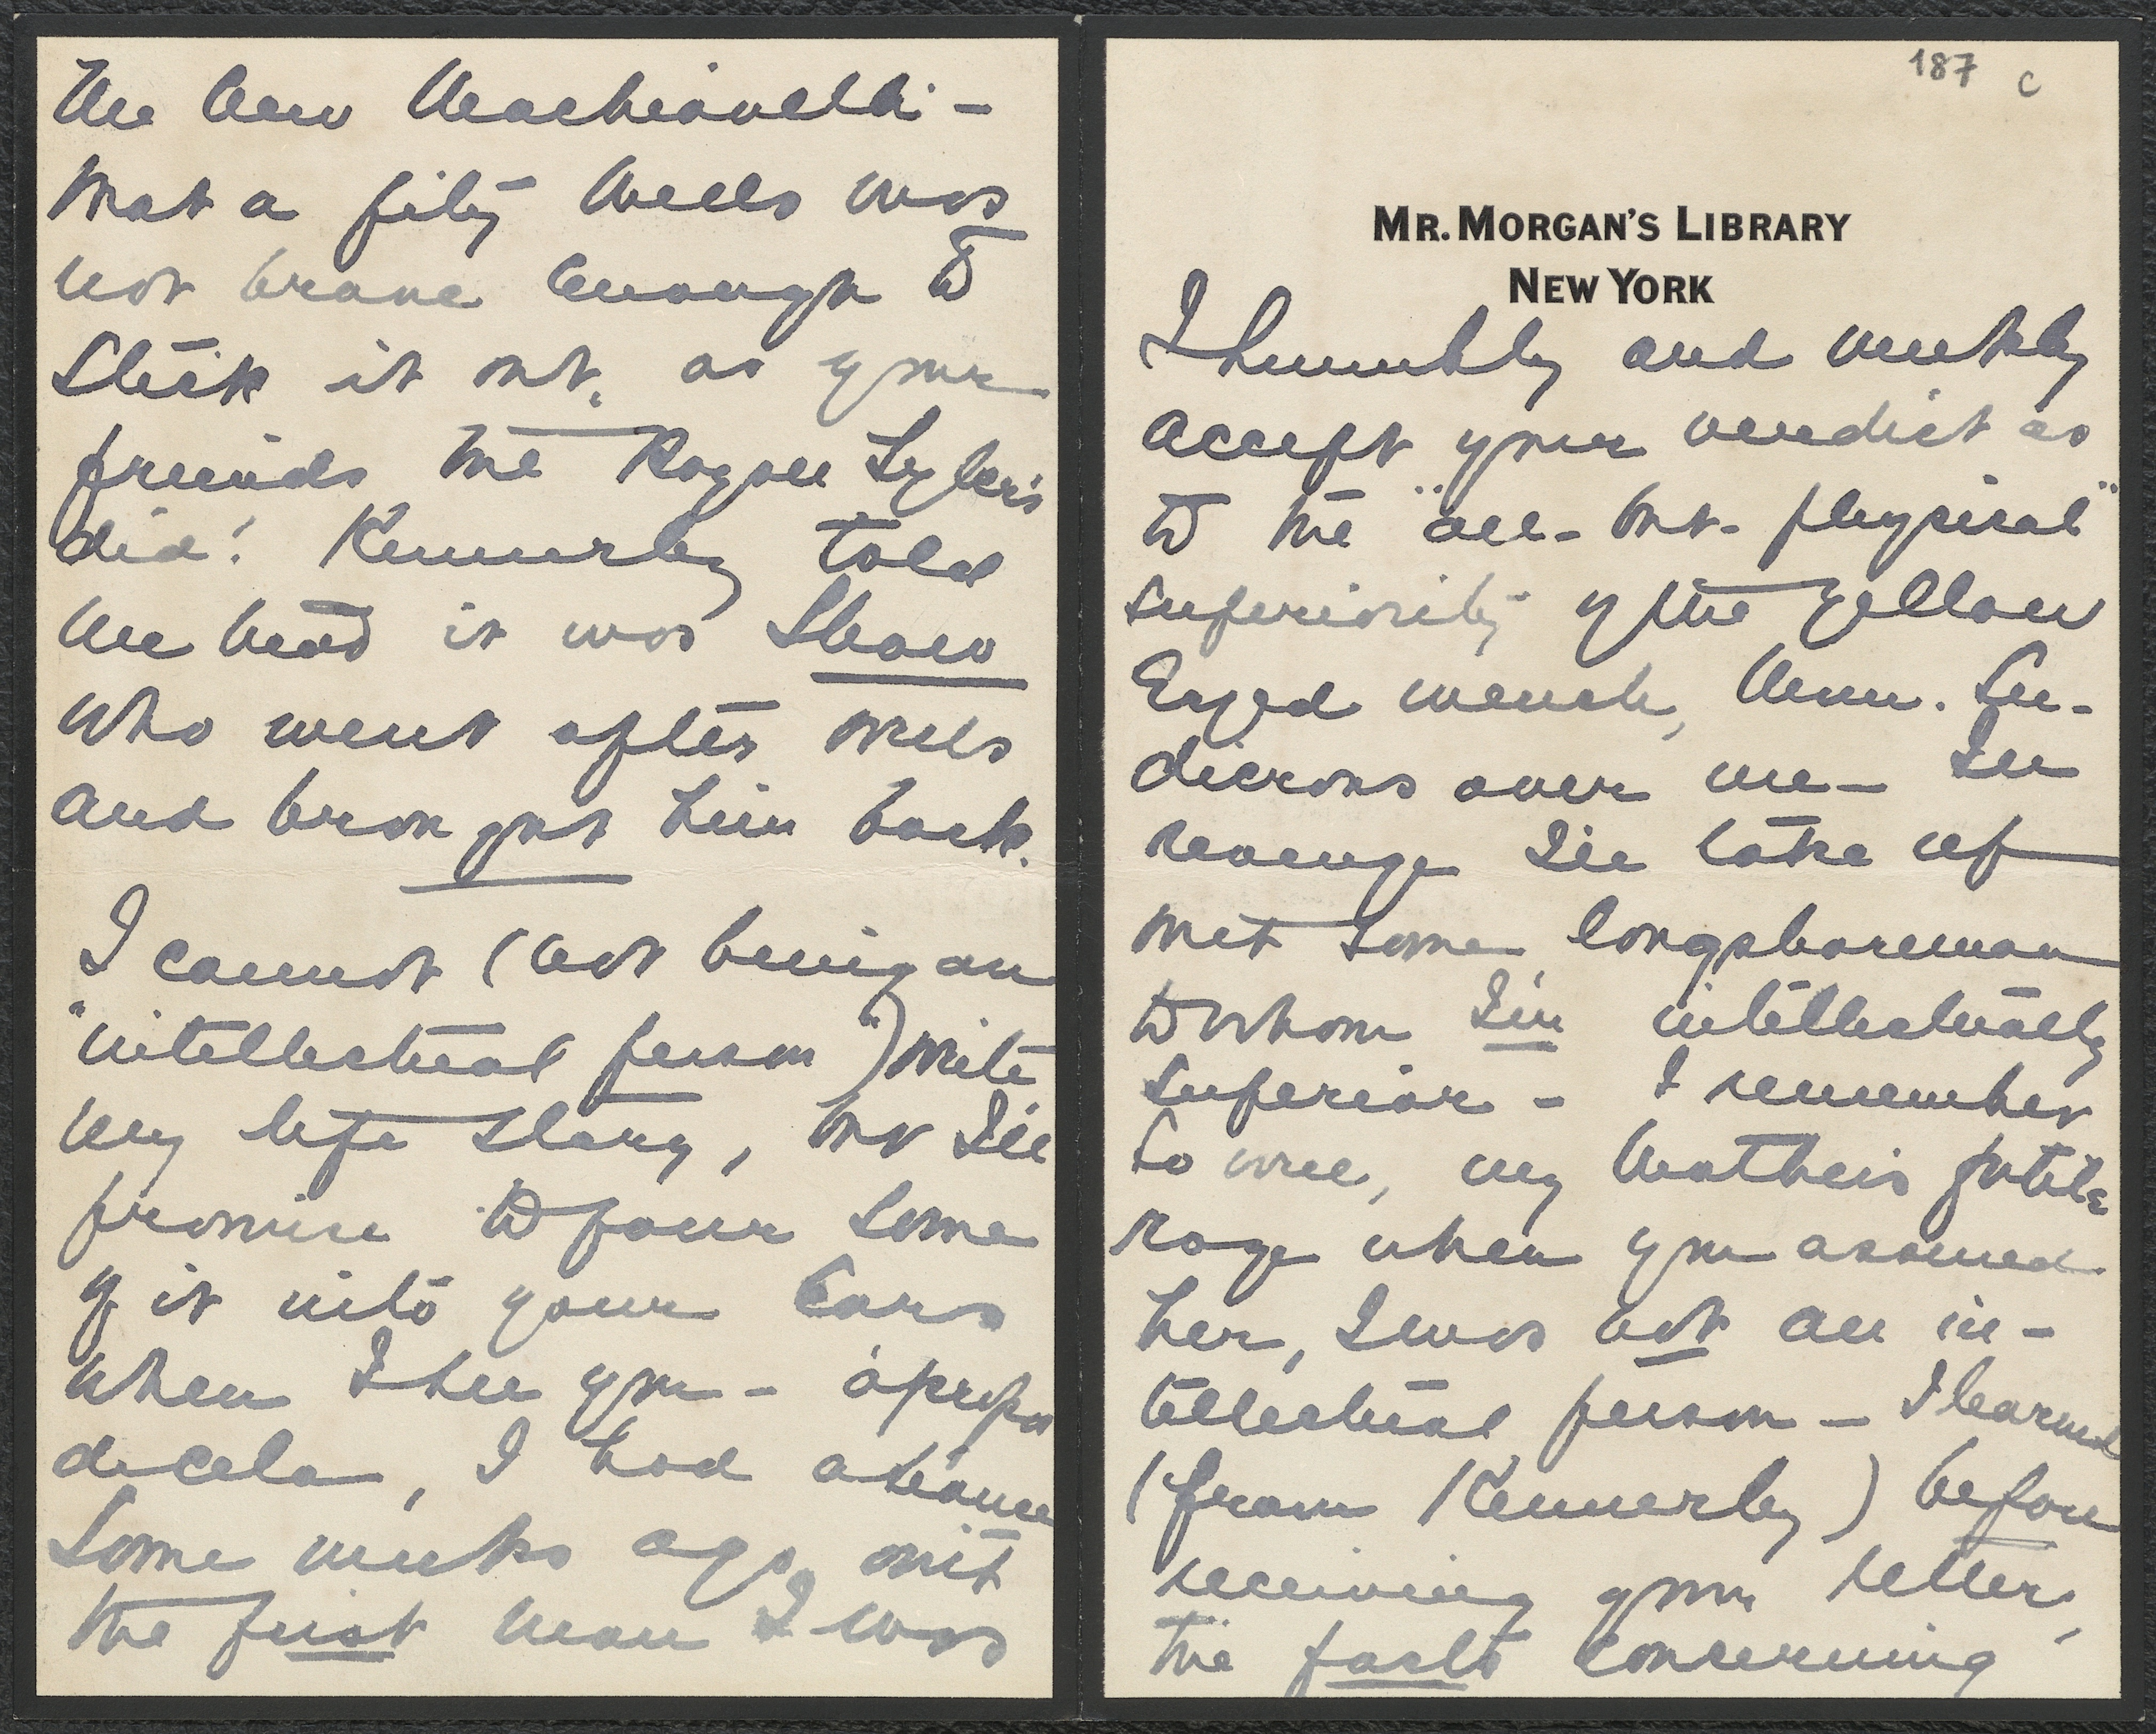I humbly and meekly accept your verdict as to the “all-but-physical” superiority of the yellow eyed mensh [sic], Mme. Ludicrous over me – In revenge I'll take up with some longshoreman to whom I'm intellectually superior – I remember so well, my mother’s futile rage when you assured her, I was not an intellectual person – I learned (from Kennerley) before receiving your letter, the parts concerning
The New Machiavelli – What a pity Wells was not brave enough to stick it out, as your friends the Royall Tyler's did! Kennerley told me that it was Shaw who went after Wells and brought him back.
I cannot (not being an “intellectual person”) write my life story, but I'll promise to pour some of it into your Ears when I see you – à propos de cela, I had a séance some weeks ago with the first man I was